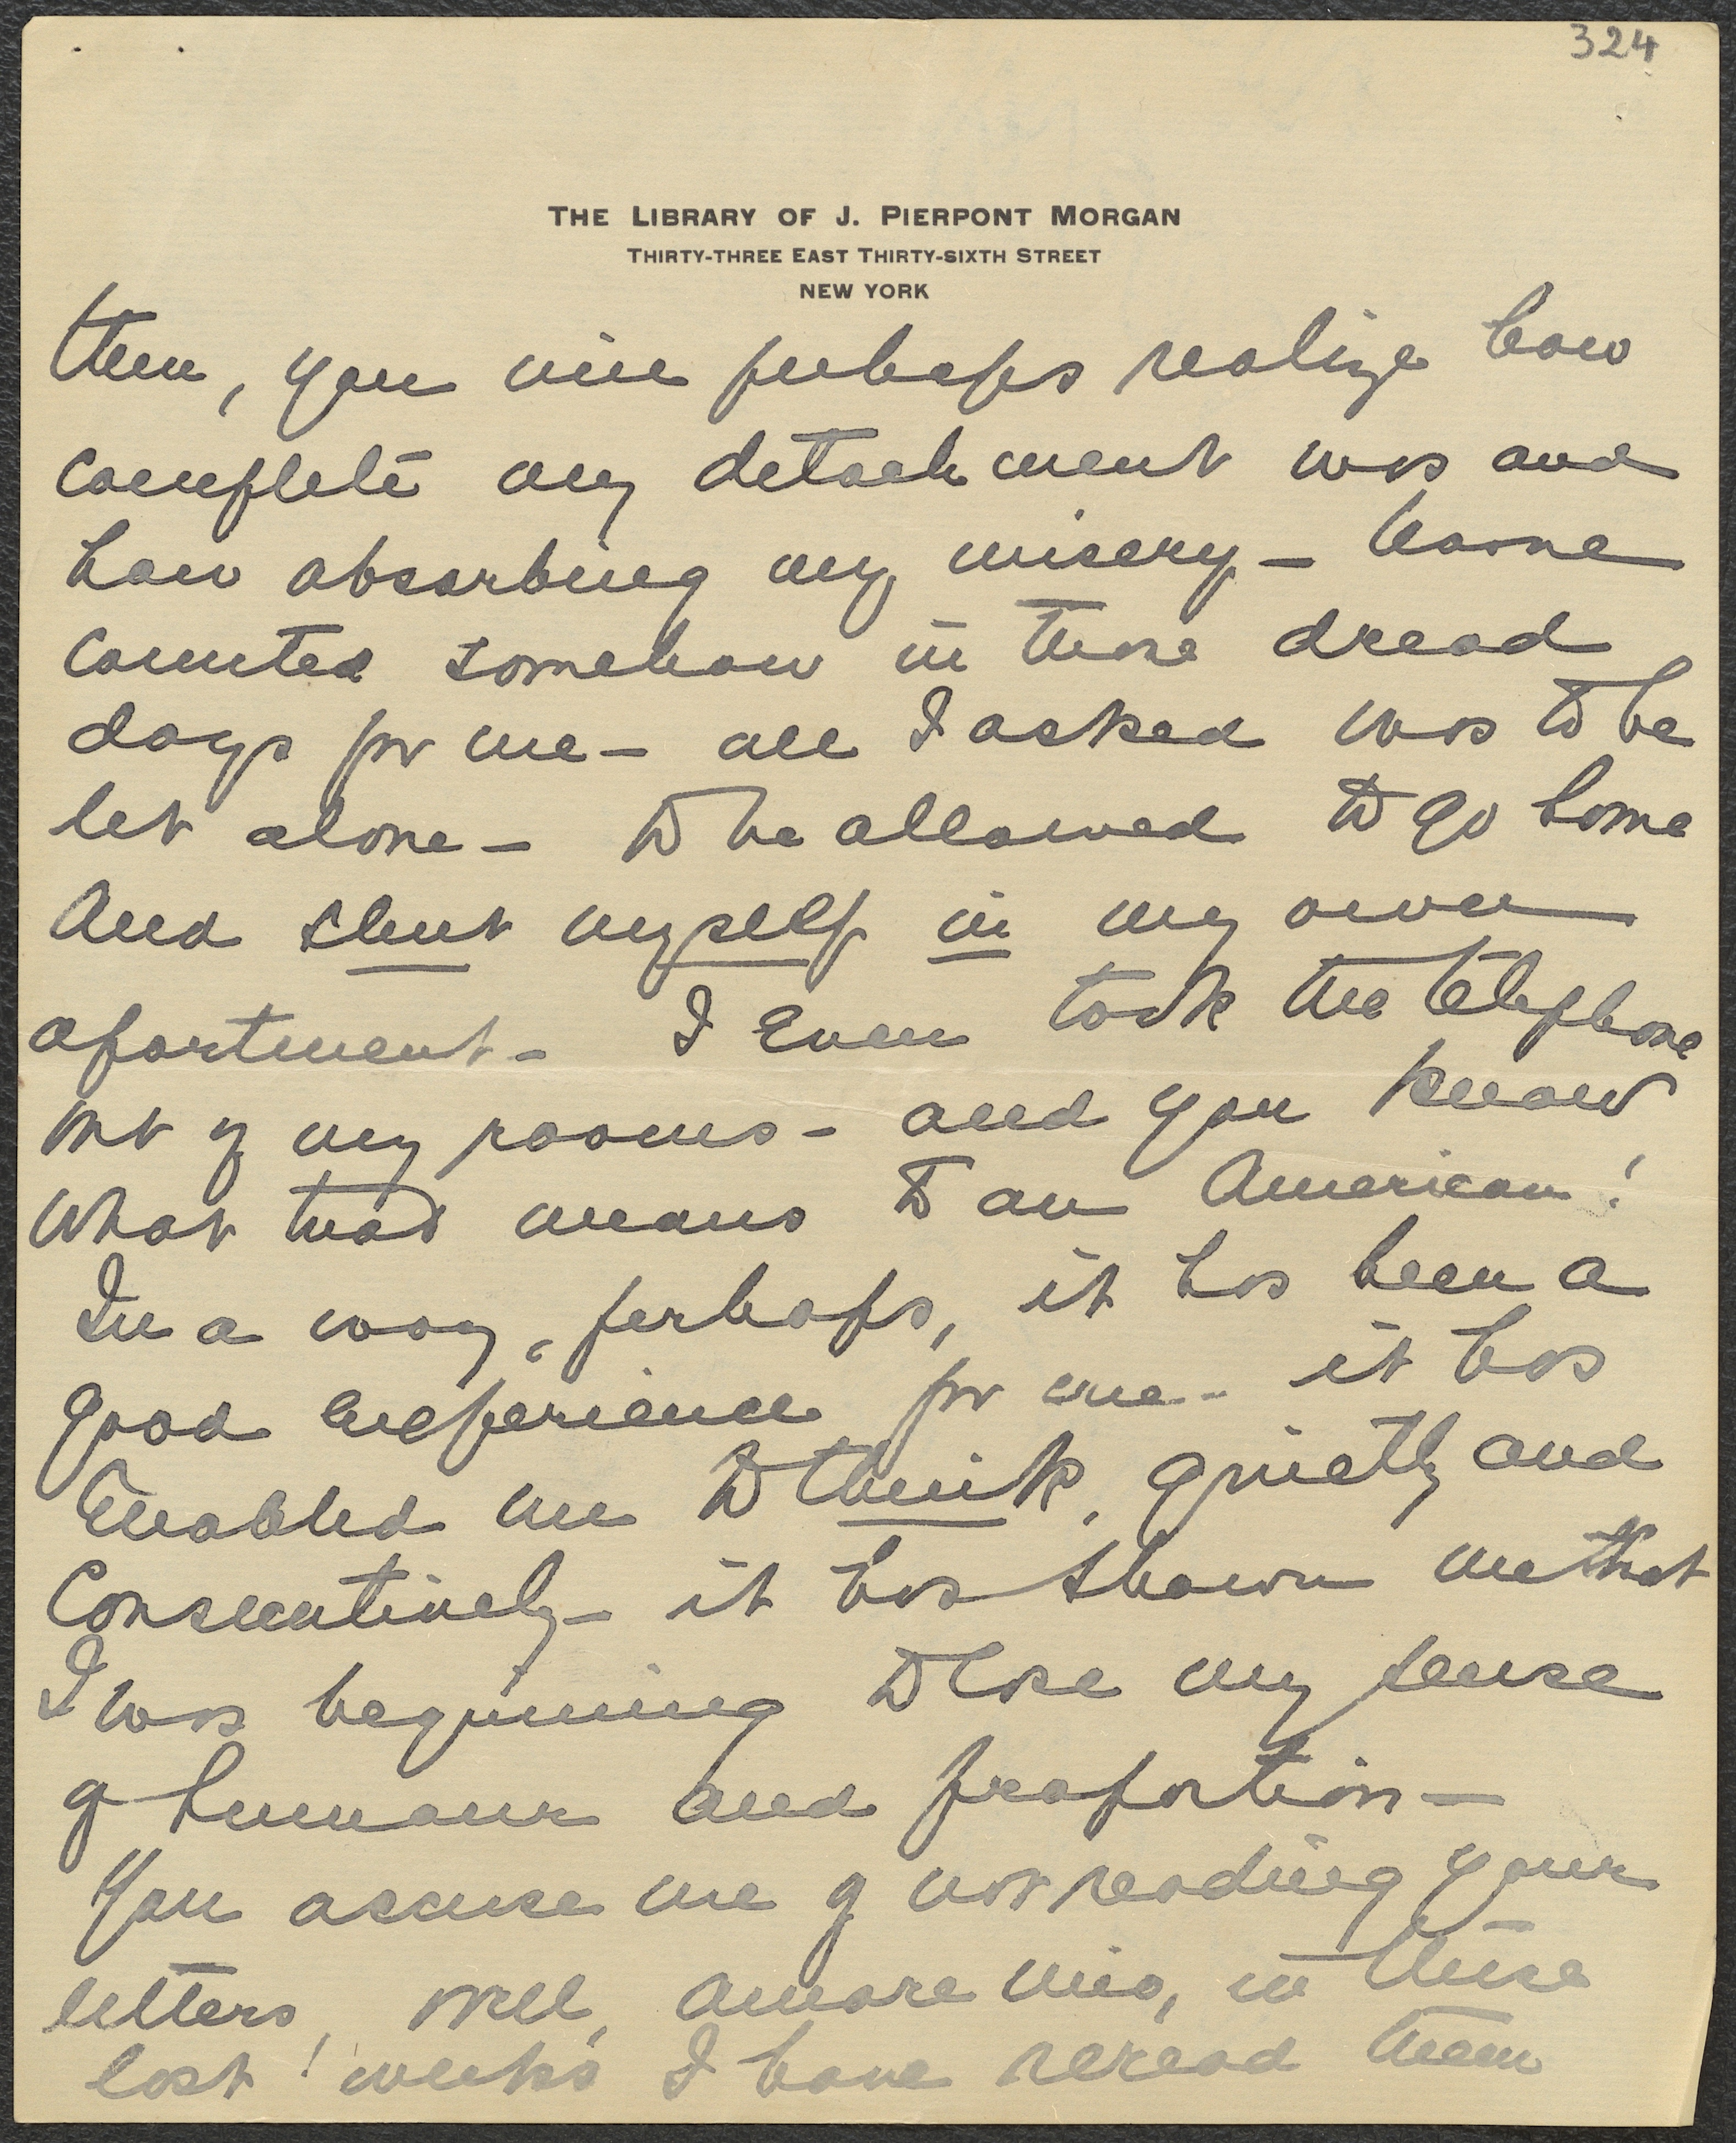then, you will perhaps realize how complete my detachment was and how absorbing my misery – Noone [sic] counted somehow in those dread days for me – all I asked was to be let alone – to be allowed to go home and shut myself in my own apartment – I even took the telephone out of my rooms – and you know what that means to an American!
In a way, perhaps, it has been a good experience for me – it has enabled me to think, quietly and consecutively – it has shown me that I was beginning to lose my sense of humour and proportion –
You accuse me of not reading your letters, well, amore mio, in these last weeks I have reread them